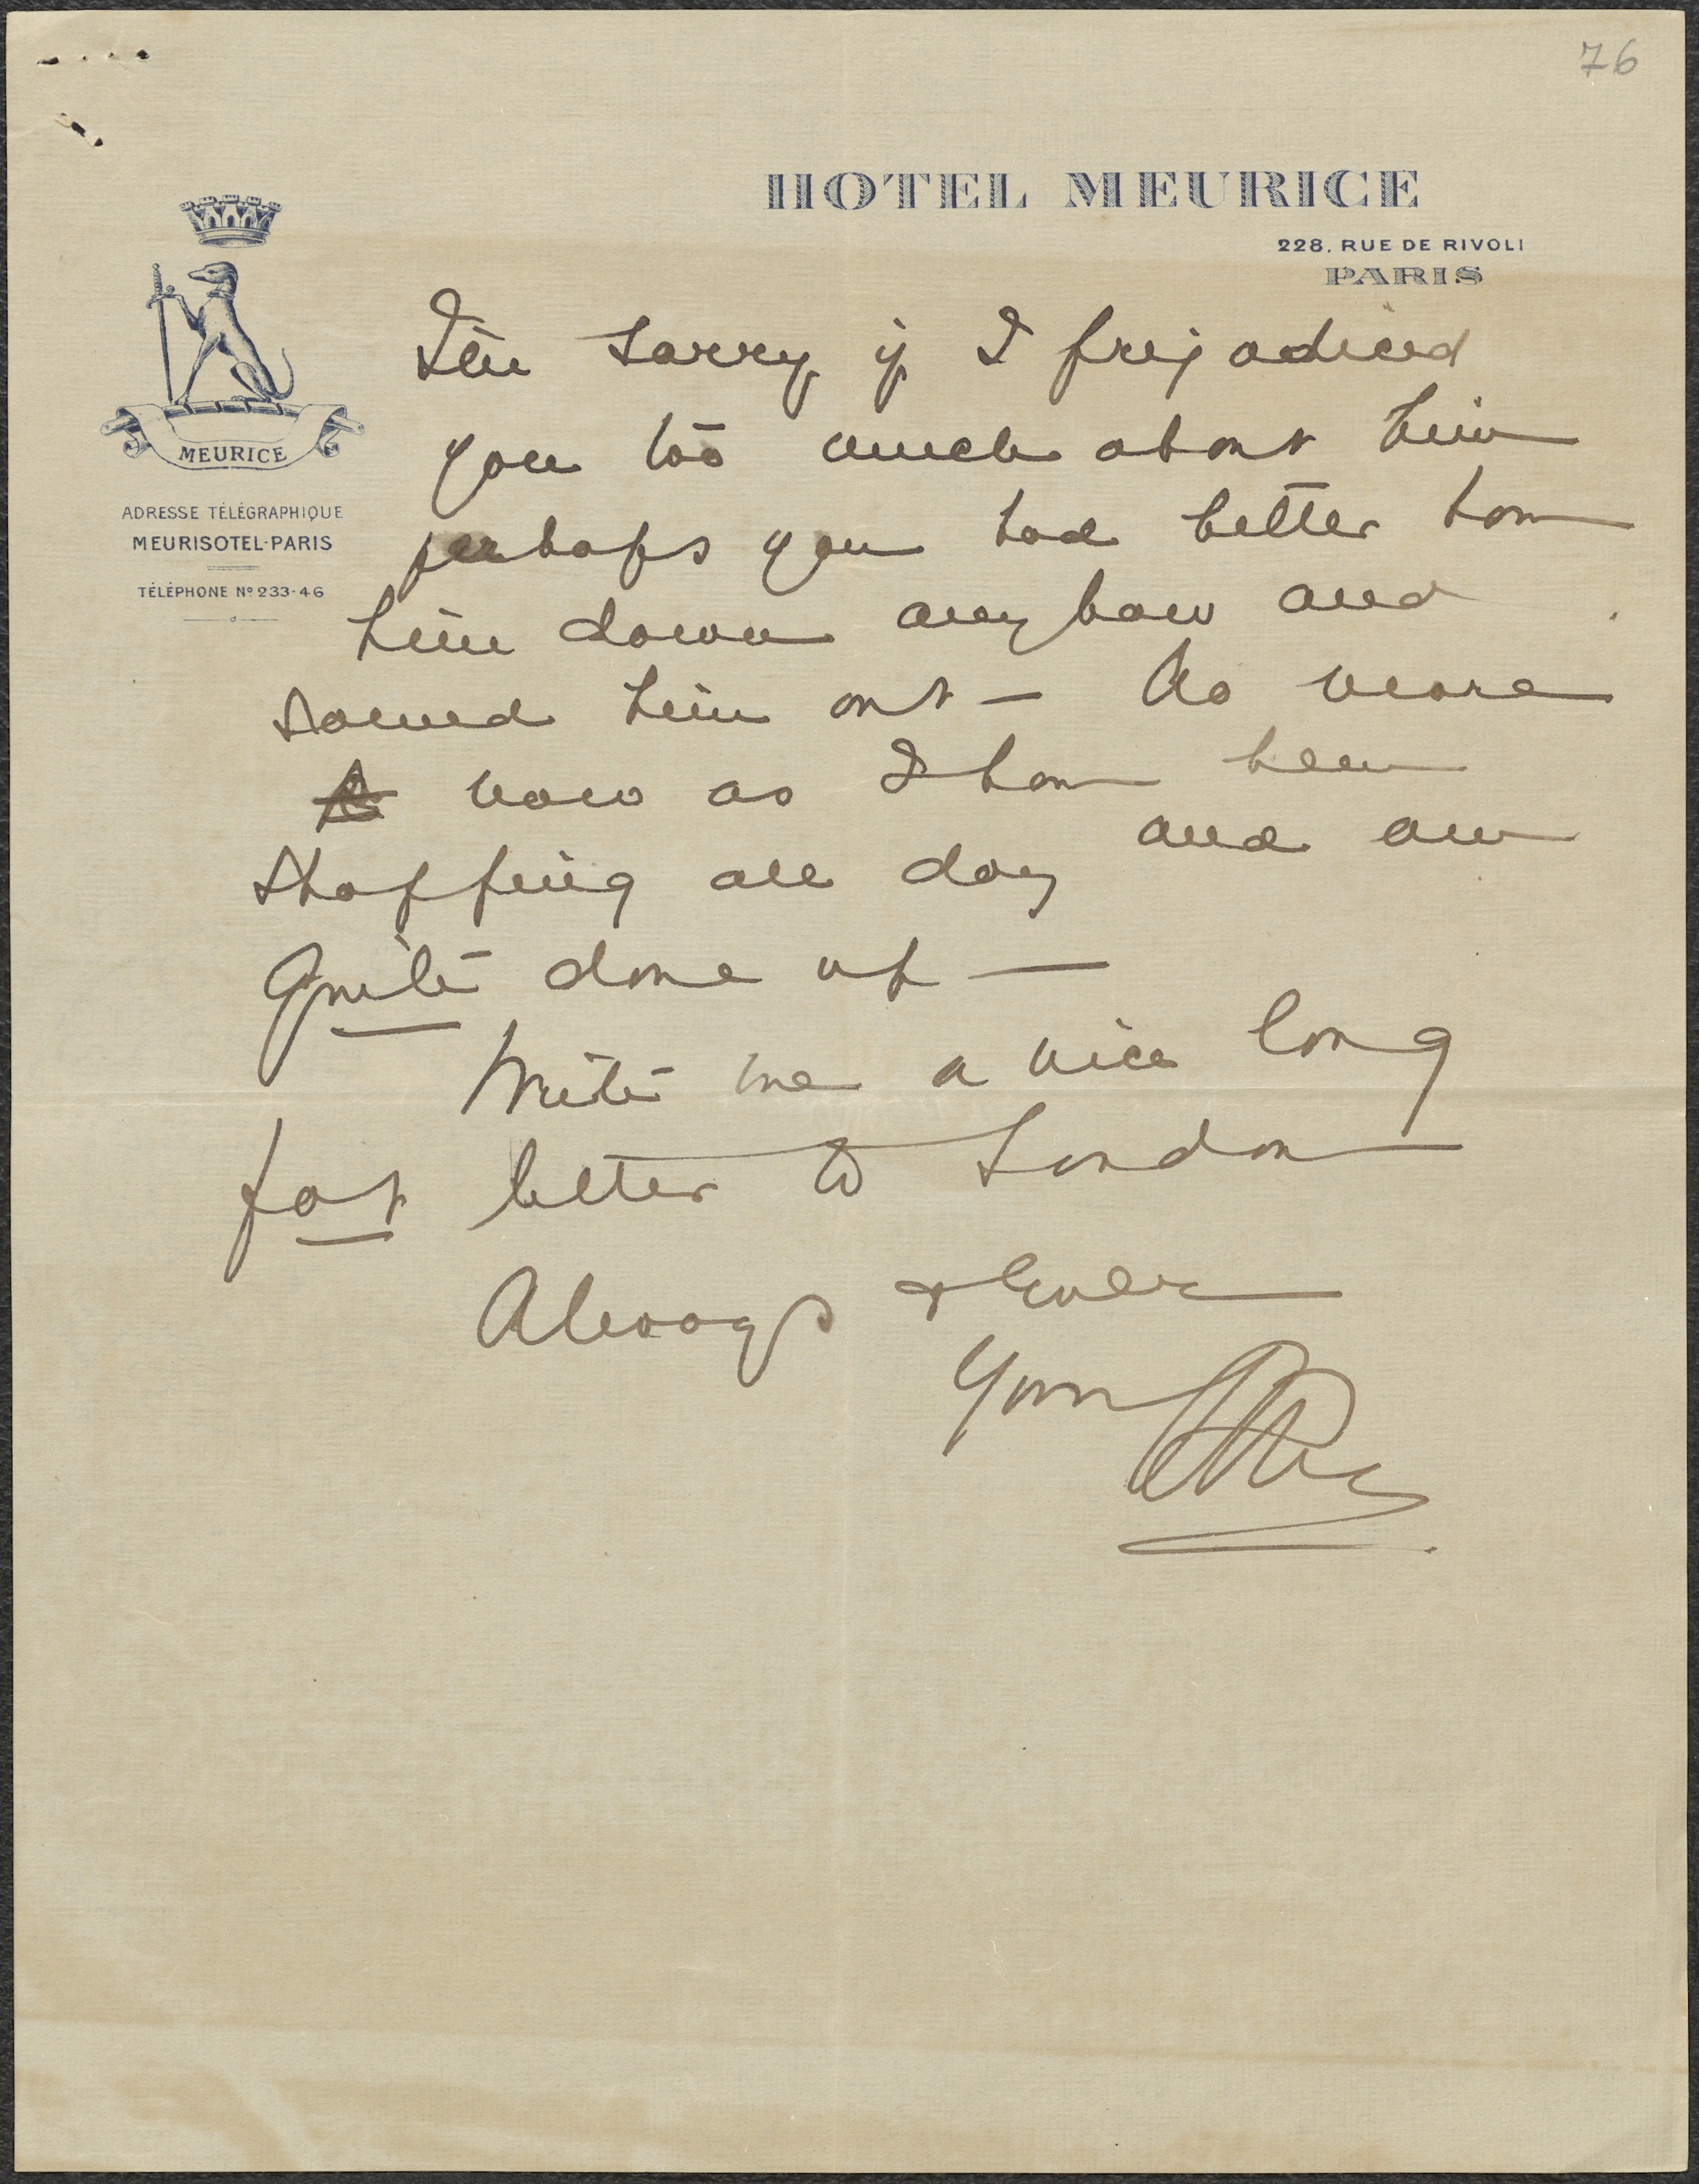I'm sorry if I prejudiced you too much about him perhaps you had better have him down anyhow and sound him out – No more [illegible deletion] now as I have been shopping all day and am quite done up –
Write me a nice long fat letter to London
Always & Ever
Your
Belle